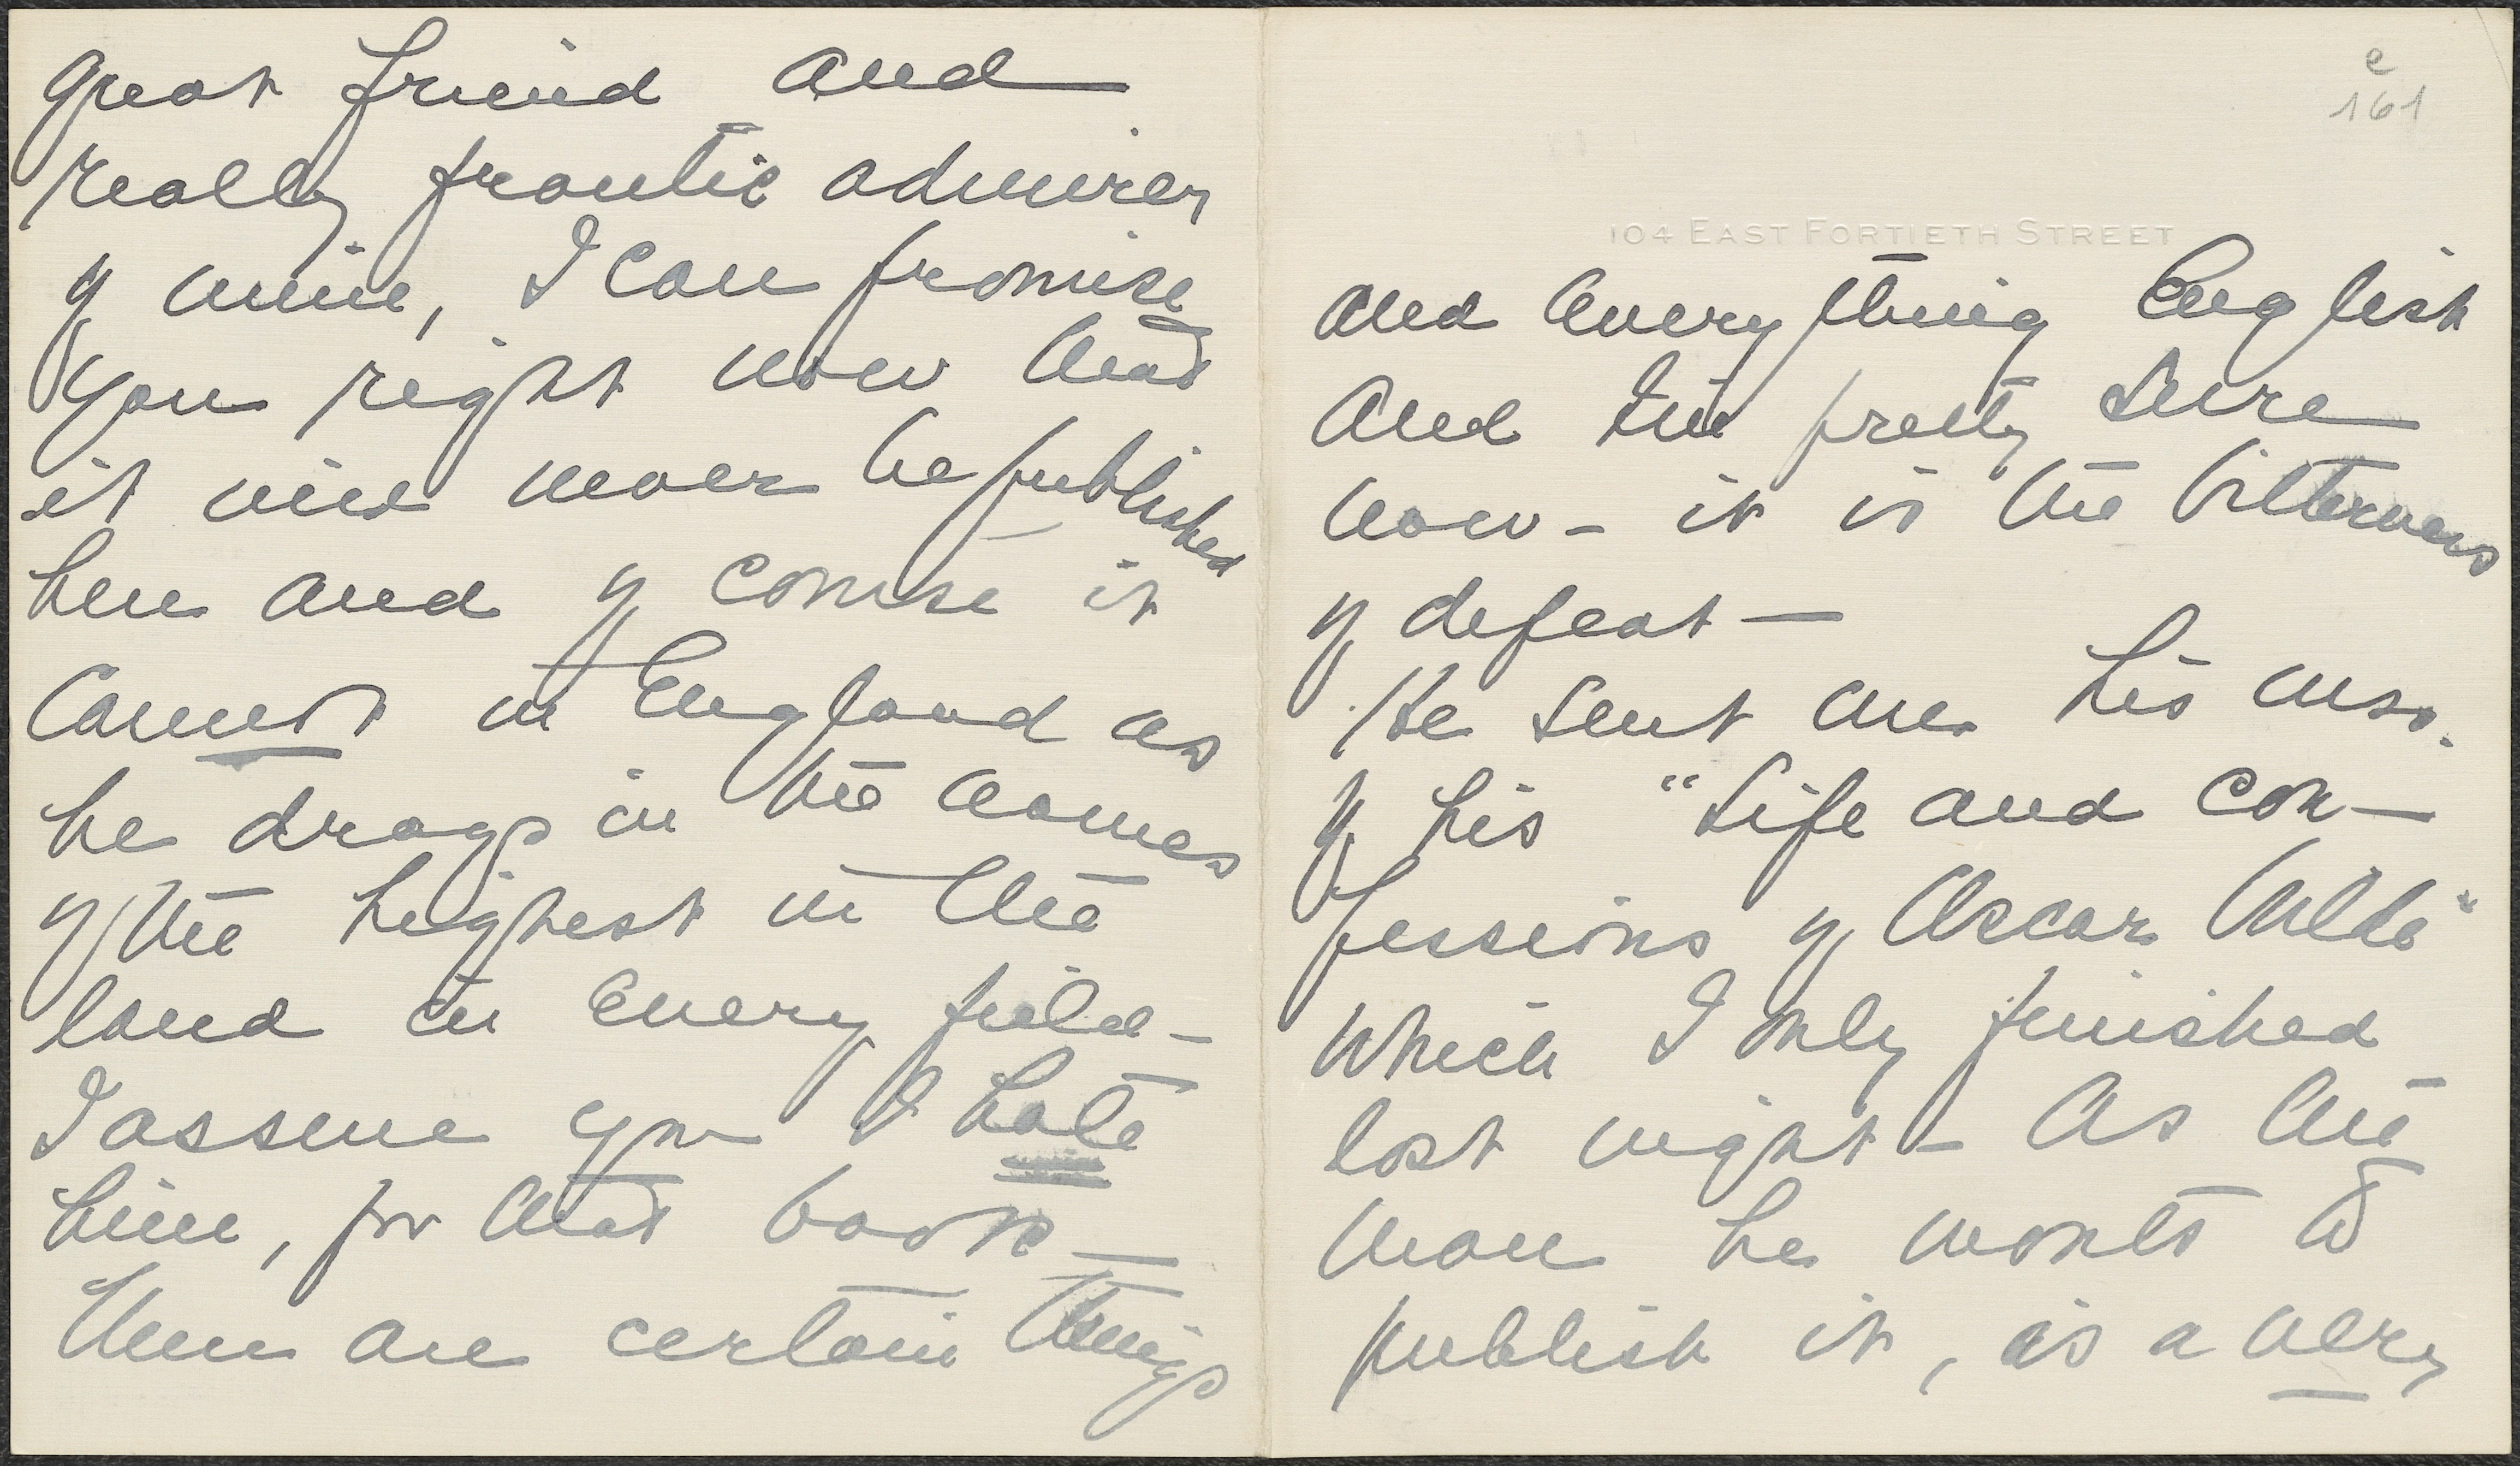and everything English and I’m pretty sure now – it is the bitterness of defeat –
He sent me his mss. of his “Life and confessions of Oscar Wilde” which I only finished last night – As the man he wants to publish it, as a very
great friend and really frantic admirer of mine, I can promise you right now that it will never be published here and of course it cannot in England as he drags in the names of the highest in the land in every field – I assure you I [double underlined: hate] him, for that book – there are certain things